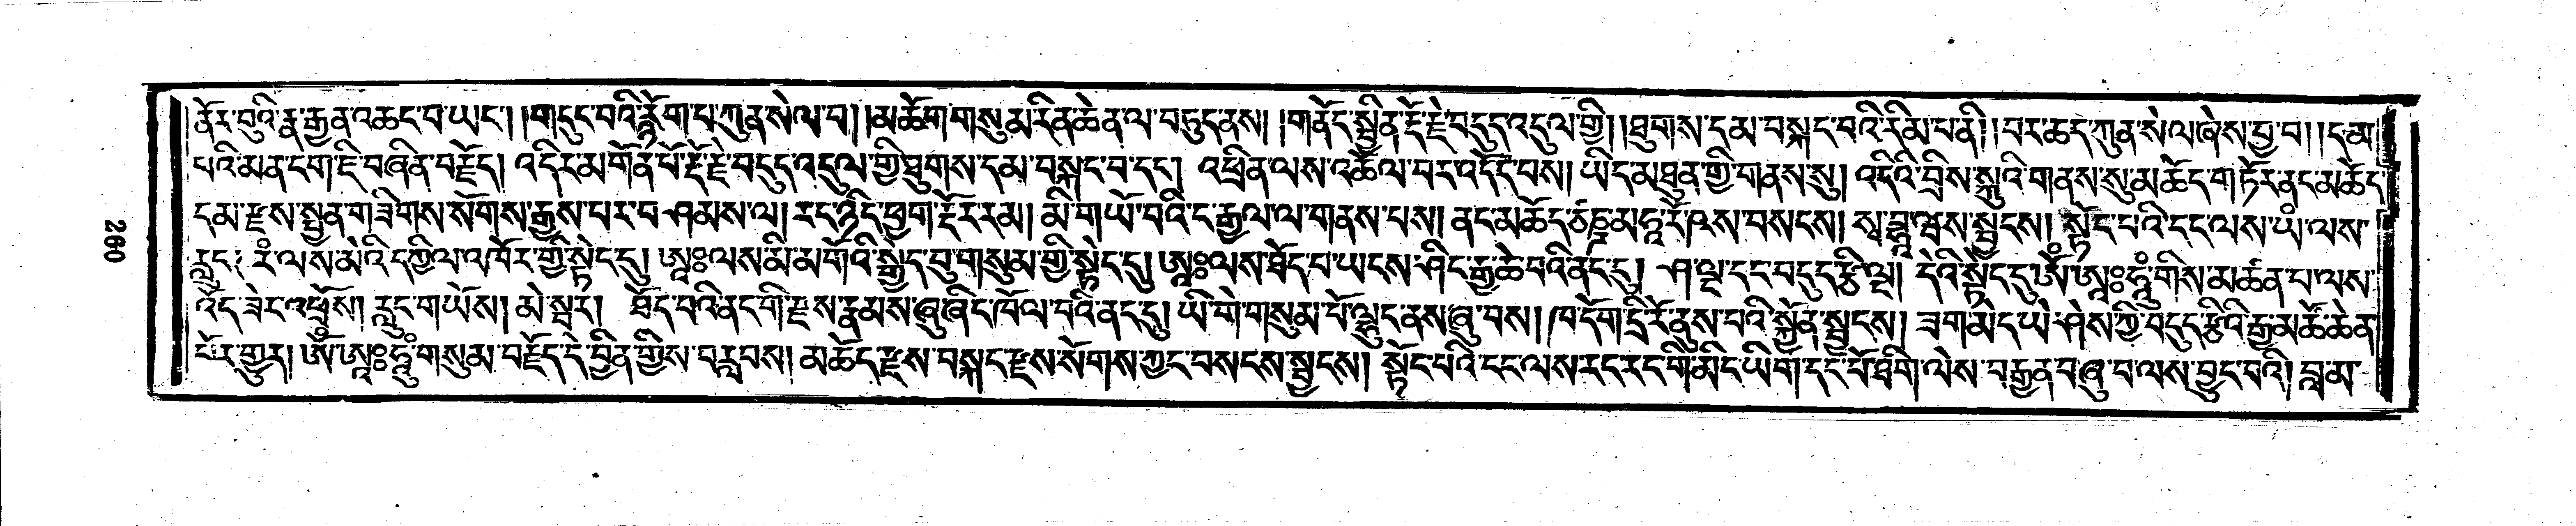ནོར་བུའི་རྣ་རྒྱན་འཆང་བ་ཡང་། །གདུང་བའི་རྙོག་མ་ཀུན་སེལ་བ། །མཆོག་གསུམ་རིན་ཆེན་ལ་བཏུད་ནས། །གནོད་སྦྱིན་རྡོ་རྗེ་བདུད་འདུལ་གྱི། །ཐུགས་དམ་བསྐང་བའི་རིམ་པ་ནི། །བར་ཆད་ཀུན་སེལ་ཞེས་བྱ་བ། །དམ་
པའི་མན་ངག་ཇི་བཞིན་བརྗོད། འདིར་མགོན་པོ་རྡོ་རྗེ་བདུད་འདུལ་གྱི་ཐུགས་དམ་བསྐང་བ་དང་། འཕྲིན་ལས་འཆོལ་བར་འདོད་པས། ཡིད་མཐུན་གྱི་གནས་སུ། འདིའི་བྲིས་སྐུའི་གནས་སུ་མཆོད་གཏོར་ནང་མཆོད་
དམ་རྫས་སྤྱན་གཟིགས་སོགས་རྒྱས་པར་བཤམས་ལ། རང་ཉིད་ཕྱག་རྡོར་རམ། མི་གཡོ་བའི་ང་རྒྱལ་ལ་གནས་པས། ནང་མཆོད་ཙཎྜ་མ་ཧཱ་རོ་ཥས་བསངས། སྭ་བྷཱ་ཝས་སྦྱངས། སྟོང་པའི་ངང་ལས་ཡཾ་ལས་
རླུང༑ རཾ་ལས་མེའི་དཀྱིལ་འཁོར་གྱི་སྟེང་དུ། ཨཱཿ ལས་མི་མགོའི་སྒྱེད་བུ་གསུམ་གྱི་སྟེང་དུ། ཨཱཿ ལས་ཐོད་པ་ཡངས་ཤིང་རྒྱ་ཆེ་བའི་ནང་དུ། ཤ་ལྔ་དང་བདུད་རྩི་ལྔ། དེའི་སྟེང་དུ་ཨོཾ་ཨཱཿ ཧཱུཾ་གིས་མཚན་པ་ལས་
འོད་ཟེར་འཕྲོས། རླུང་གཡོས། མེ་སྦར། ཐོད་པའི་ནང་གི་རྫས་རྣམས་ཞུ་ཞིང་ཁོལ་བའི་ནང་དུ། ཡི་གེ་གསུམ་པོ་ལྷུང་ནས་ཞུ་བས། ཁ་དོག་དྲི་རོ་ནུས་པའི་སྐྱོན་སྦྱངས། ཟག་མེད་ཡེ་ཤེས་ཀྱི་བདུད་རྩིའི་རྒྱ་མཚོ་ཆེན་
པོར་གྱུར། ཨོཾ་ཨཱཿ ཧཱུཾ་གསུམ་བརྗོད་དེ་བྱིན་གྱིས་བརླབས། མཆོད་རྫས་བསྐང་རྫས་སོགས་ཀྱང་བསངས་སྦྱངས། སྟོང་པའི་ངང་ལས་རང་རང་གི་མིང་ཡིག་དང་པོ་ཐིག་ལེས་བརྒྱན་པ་ཞུ་བ་ལས་བྱུང་བའི། བླ་མ་